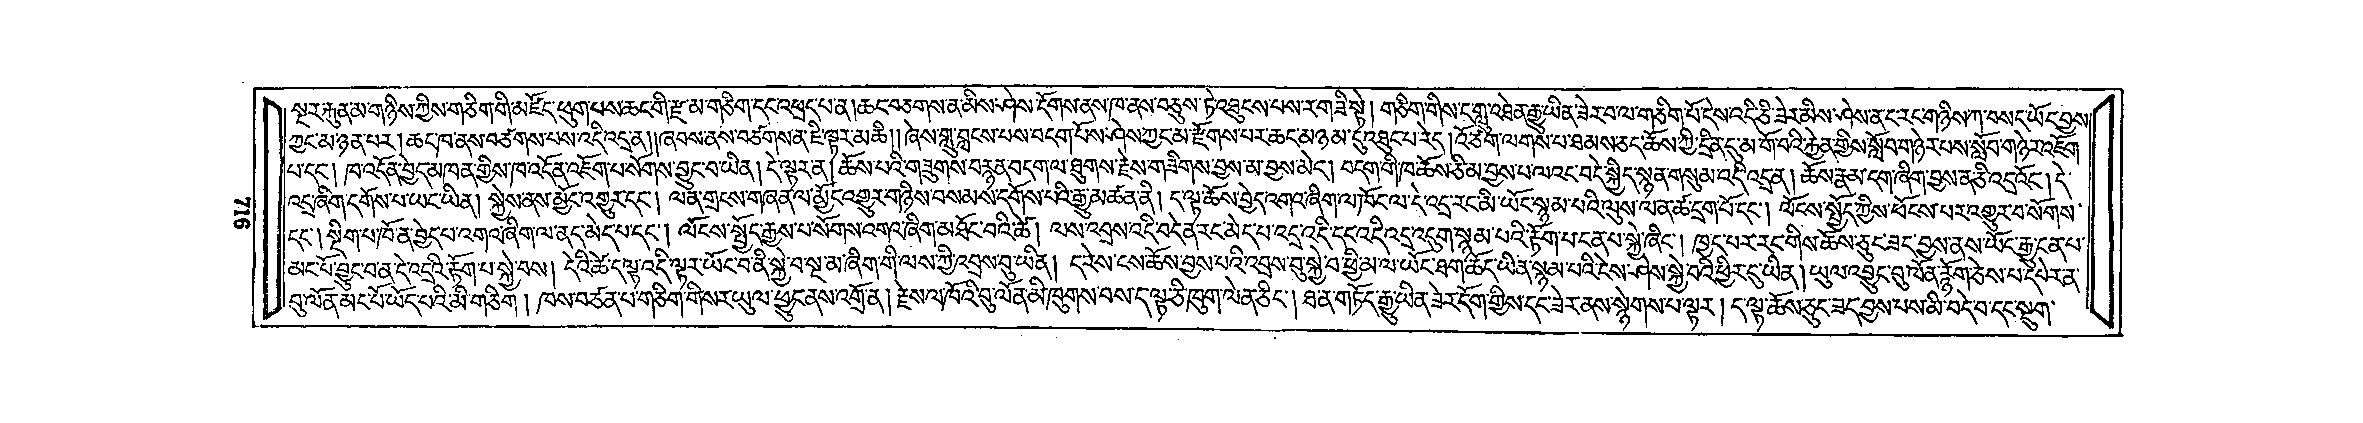སྔར་རྐུན་མ་གཉིས་ཀྱིས་གཅིག་གི་མཛོད་ཕུག་པས་ཆང་གི་རྫ་མ་གཅིག་དང་འཕྲད་པ་ན། ཆང་བཅགས་ན་མིས་ཤེས་དོགས་ནས་ཁ་ནས་བཅུས་ཏེ་འཐུངས་པས་ར་གཟི་སྟེ། གཅིག་གིས་ད་གླུ་འཐེན་རྒྱུ་ཡིན་ཟེར་བ་ལ་གཅིག་པོ་དེས་འདི་ཅི་ཟེར་མིས་ཤེས་ན་ང་རང་གཉིས་ཀ་བསད་ཡོང་བྱས་
ཀྱང་མ་ཉན་པར། ཆང་ཁ་ནས་བཙགས་པས་འདི་འདྲ་ན། །ཞབས་ནས་བཙགས་ན་ཇི་ལྟར་མཆི། །ཞེས་གླུ་བླངས་པས་བདག་པོས་ཤེས་ཀྱང་མ་རྫོགས་པར་ཆད་མཉམ་དུ་འཐུང་པ་རེད། འོ་ཙག་ལགས་པ་ཐམས་ཅད་ཆོས་ཀྱི་དྲིན་དུ་མ་གོ་བའི་རྐྱེན་གྱིས་སློབ་གཉེར་པས་སློབ་གཉེར་འཇོག་
པ་དང་། ཁ་འདོན་བྱེད་མཁན་གྱིས་ཁ་འདོན་འཇོག་པ་སོགས་བྱུང་བ་ཡིན། དེ་ལྟར་ན། ཆོས་པའི་གཟུགས་བརྙན་བདག་ལ་ཐུགས་རྗེས་གཟིགས་བྱས་མ་བྱས་མེད། བདག་གི་ཁ་ཆོས་ཅི་མ་བྱས་པ་ལའང་བདེ་སྐྱིད་སྙན་གསུམ་འདི་འདྲ་ན། ཆོས་རྣམ་དག་ཞིག་བྱས་ན་ཅི་འདྲ་འོང་། དེ་
འདྲ་ཞིག་དགོས་པ་ཡང་ཡིན། སྐྱེས་ནས་མྱོང་འགྱུར་དང་། ལན་གྲངས་གཞན་ལ་མྱོང་འགྱུར་གཉིས་བསམས་དགོས་པའི་རྒྱུ་མཚན་ནི། ད་ལྟ་ཆོས་བྱེད་འགའ་ཞིག་ལ་ཁོང་ལ་དེ་འདྲ་རང་མི་ཡོང་སྙམ་པའི་ལུས་ལན་ཚ་དྲག་པོ་དང་། ལོངས་སྤྱོད་ཀྱིས་ཕོངས་པར་འགྱུར་བ་སོགས་
དང་། སྡིག་པ་ཁོ་ན་བྱེད་པ་འགའ་ཞིག་ལ་ནད་མེད་པ་དང་། ལོངས་སྤྱོད་རྒྱས་པ་སོགས་འགའ་ཞིག་མཐོང་བའི་ཚེ། ལས་འབྲས་འདི་བདེན་རང་མེད་པ་འདྲ་འདི་དང་འདི་འདྲ་འདུག་སྙམ་པའི་རྟོག་པ་ངན་པ་སྐྱེ་ཞིང་། ཁྱད་པར་རང་གིས་ཆོས་ཅུང་ཟད་བྱས་ནས་ཡོང་རྒྱུ་ངན་པ་
མང་པོ་བྱུང་བ་ན་དེ་འདྲའི་རྟོག་པ་སྐྱེ་བས། དེའི་ཚེ་ད་ལྟ་འདི་ལྟར་ཡོང་བ་ནི་སྐྱེ་བ་སྔ་མ་ཞིག་གི་ལས་ཀྱི་འབྲས་བུ་ཡིན། ད་རེས་ངས་ཆོས་བྱས་པའི་འབྲས་བུ་སྐྱེ་བ་ཕྱི་མ་ལ་ཡོང་ཐག་ཆོད་ཡིན་སྙམ་པའི་ངེས་ཤེས་སྐྱེ་བའི་ཕྱིར་དུ་ཡིན། ཡུལ་འབྱུང་བུ་ལོན་རྙོག་ཅེས་པ་དཔེར་ན་
བུ་ལོན་མང་པོ་ཡོད་པའི་མི་གཅིག །ཁས་བཙན་པ་གཅིག་གི་སར་ཡུལ་ཕྱུང་ནས་འགྲོ་ན། རྗེས་ལ་ཁོའི་བུ་ལོན་མི་ཁུགས་བས་ད་ལྟ་ཅི་ཁུག་ལེན་ཅིང་། ཐ་ན་གཏོད་རྒྱུ་ཡིན་ཟེར་དོག་གྱིས་དང་ཟེར་ནས་སྙེགས་པ་ལྟར། ད་ལྟ་ཆོས་ཅུང་ཟད་བྱས་པས་མི་བདེ་བ་དང་སྡུག་